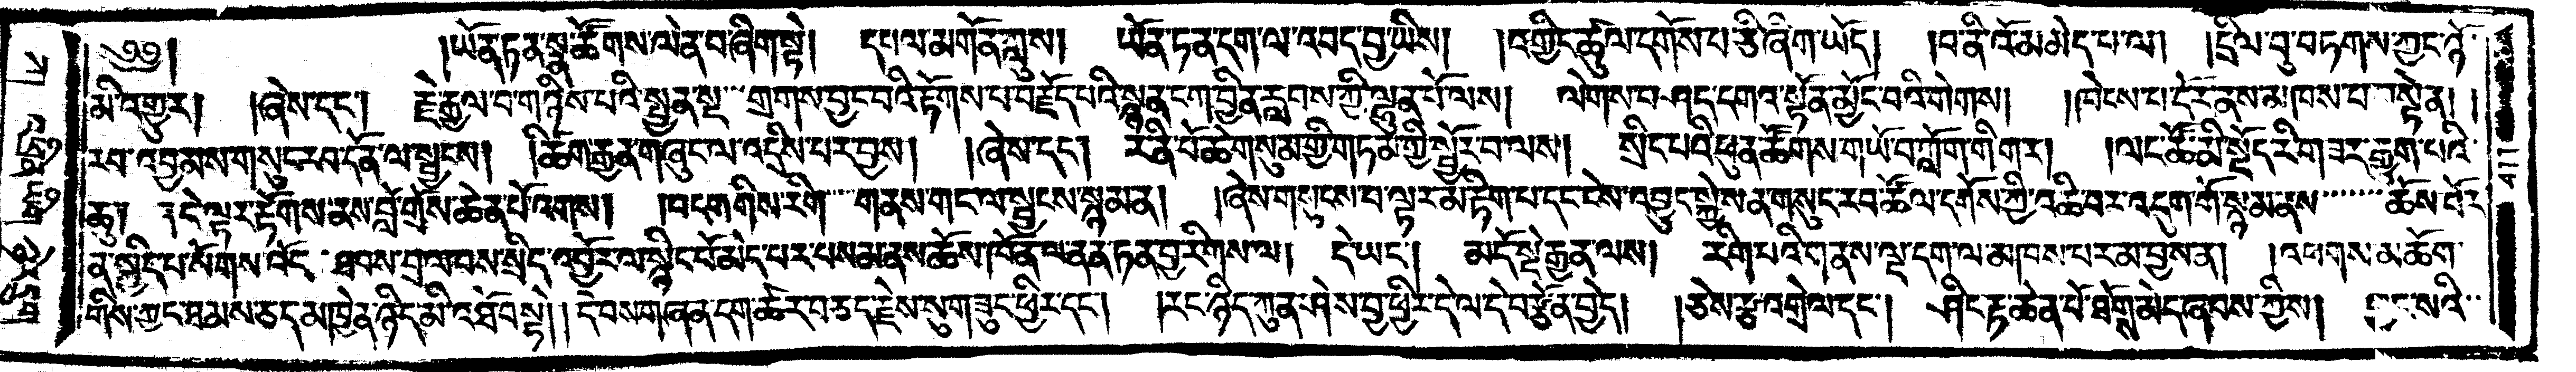༄༅། །ཡོན་ཏན་སྣ་ཚོགས་ལེན་བ་ཞིག་སྟེ། དཔལ་མགོན་ཀླུས། ཡོན་ཏན་དག་ལ་འབད་བྱ་ཡིས། །འགྱིང་ཚུལ་དགོས་པ་ཅི་ཞིག་ཡོད། །བ་ནི་འོ་མ་མེད་པ་ལ། །དྲིལ་བུ་བཏགས་ཀྱང་ཉོ་
མི་འགྱུར། །ཞེས་དང་། རྗེ་རྒྱལ་བ་གཉིས་པའི་སྤྱན་སྔ་གྲགས་བྱང་བའི་རྟོགས་པ་བརྗོད་པའི་སྙན་ངག་བྱིན་རླབས་ཀྱི་ལྷུན་པོ་ལས། ལེགས་བཤད་དགའ་སྟོན་མྱོང་བའི་གེགས། །ཁེངས་པ་དོར་ནས་མཁས་པ་བསྟེན། །
རབ་འབྱམས་གསུང་རབ་དོན་ལ་སྦྱངས། །ཚིག་རྒྱན་གཞུང་ལ་འདྲིས་པར་བྱས། །ཞེས་དང་། རིན་པོ་ཆེ་གསུམ་གྱི་གཏམ་གྱི་སྦྱོར་བ་ལས། སྲིད་པའི་ཕུན་ཚོགས་གཡོ་བ་ཀློག་གི་གར། །ལང་ཚོ་མི་སྡོད་རིག་ཟར་རྒྱག་པའི་
ཆུ། །དེ་ལྟར་རྟོགས་ནས་བློ་གྲོས་ཆེན་པོ་འགས། །བདག་གིས་རིག་གནས་གང་ལ་སྦྱངས་སྙམ་ན། །ཞེས་གསུངས་པ་ལྟར་མི་རྟག་པ་དང་ངེས་འབྱུང་སྐྱེས་ན་གསུང་རབ་ཚོལ་དགོས་ཀྱི་འཆི་བར་འདུག་གོ་སྙམ་ནས། ཆོས་བོར་
ན་སྐྱིད་པ་སོགས་འོད་ཐབས་བྲལ་བས་སྲིད་འབྱོར་ལ་སྙིང་པོ་མེད་པར་བསམ་ནས་ཆོས་ཁོ་ན་ལ་ནན་ཏན་བྱ་རིགས་ལ། དེ་ཡང་། མདོ་སྡེ་རྒྱན་ལས། རིག་པའི་གནས་ལྔ་དག་ལ་མཁས་པར་མ་བྱས་ན། །འཕགས་མཆོག་
གིས་ཀྱང་ཐམས་ཅད་མཁྱེན་ཉིད་མི་འཐོབ་སྟེ། །དེ་བས་གཞན་དག་ཚར་བཅད་རྗེས་སུ་གཟུང་ཕྱིར་དང་། །རང་ཉིད་ཀུན་ཤེས་བྱ་ཕྱིར་དེ་ལ་དེ་བརྩོན་བྱེད། །ཅེས་རྩ་འགྲེལ་དང་། ཤིང་རྟ་ཆེན་པོ་ཐོགས་མེད་ཞབས་ཀྱིས། །བྱང?་སའི་